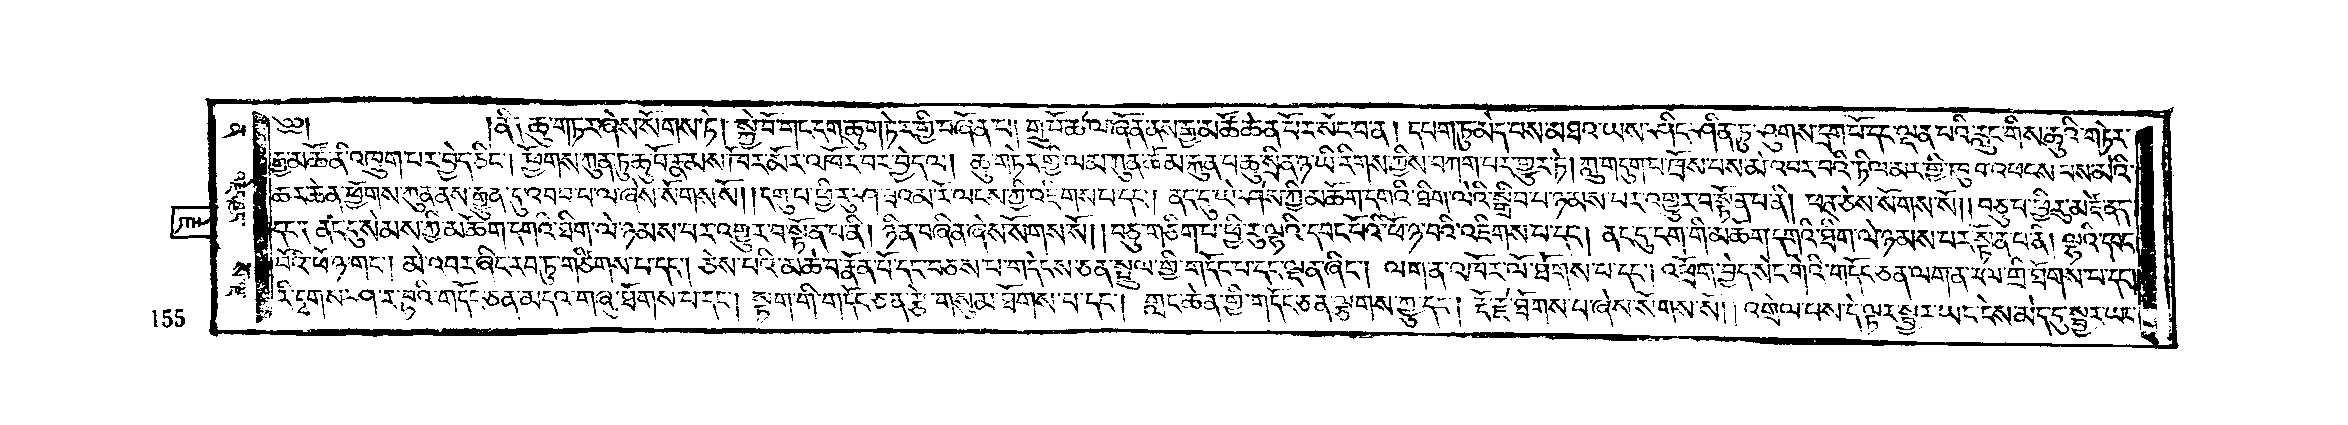༄༅། །ནི། ཆུ་གཏེར་ཞེས་སོགས་ཏེ། སྐྱེ་བོ་གང་དག་ཆུ་གཏེར་གྱི་བཞོན་པ། གྲུ་བོ་ཆེ་ལ་ཞོན་ནས་རྒྱ་མཚོ་ཆེན་པོར་སོང་བ་ན། དཔག་ཏུ་མེད་པས་མཐའ་ཡས་ཤིང་ཤིན་ཏུ་ཤུགས་དྲག་པོ་དང་ལྡན་པའི་རླུང་གིས་ཆུའི་གཏེར་
རྒྱ་མཚོ་ནི་འཁྲུག་པར་བྱེད་ཅིང་། ཕྱོགས་ཀུན་ཏུ་ཆུ་བོ་རྣམས་ཁོར་མོར་འཁོར་བར་བྱེད་ལ། ཆུ་གཏེར་གྱི་ལམ་ཀུན་ཆོམ་རྐུན་པ་ཆུ་སྲིན་ཉ་ཡི་རིགས་ཀྱིས་བཀག་པར་གྱུར་ཏེ། ཀླུ་གདུག་པ་ཁྲོས་པས་མེ་འབར་བའི་ཏིལ་མར་གྱི་ཁུ་བ་འཕངས་པས་མེའི་
ཆར་ཆེན་ཕྱོགས་ཀུན་ནས་རྒྱུན་དུ་འབབ་པ་ལ་ཞེས་སོགས་སོ། །དགུ་པ་ཕྱི་རུ་ཤ་ཟའམ་རོ་ལངས་ཀྱི་འཇིགས་པ་དང་།ནང་དུ་ཡེ་ཤེས་ཀྱི་མཆོག་དགའི་ཐིག་ལེའི་སྒྲིབ་པ་ཉམས་པར་འགྱུར་བ་སྟོན་པ་ནི། ཕཊ་ཅེས་སོགས་སོ། །བཅུ་པ་ཕྱི་རུ་མཛེ་ནད་
དང༑ ནང་དུ་སེམས་ཀྱི་མཆོག་དགའི་ཐིག་ལེ་ཉམས་པར་འགྱུར་བ་སྟོན་པ་ནི། ཉིན་བཞིན་ཞེས་སོགས་སོ། །བཅུ་གཅིག་པ་ཕྱི་རུ་ལྷའི་དབང་པོའི་ཕོ་ཉ་བའི་འཇིགས་པ་དང་།ནང་དུ་ངག་གི་མཆོག་དགའི་ཐིག་ལེ་ཉམས་པར་སྟོན་པ་ནི། ལྷའི་དབང་
པོའི་ཕོ་ཉ་གང་། མེ་འབར་ཞིང་རབ་ཏུ་གཙིགས་པ་དང་།ཅེས་པའི་མཆེ་བ་རྣོན་པོ་དང་བཅས་པ་གདེངས་ཅན་སྤྲུལ་གྱི་གདོང་པ་དང་ལྡན་ཞིང་། ལག་ན་འཁོར་ལོ་ཐོགས་པ་དང་།འཕྲོག་བྱེད་སེང་གེའི་གདོང་ཅན་ལག་ན་རལ་གྲི་ཐོགས་པ་དང་
རི་དྭགས་ཤ་ར་བྷའི་གདོང་ཅན་མདའ་གཞུ་ཐོགས་པ་དང་།སྟག་གི་གདོང་ཅན་རྩེ་གསུམ་ཐོགས་པ་དང་།གླང་ཆེན་གྱི་གདོང་ཅན་ལྕགས་ཀྱུ་དང་།རྡོ་རྗེ་ཐོགས་པ་ཞེས་སོགས་སོ། །འགྲེལ་པས་དེ་ལྟར་སྦྱར་ཡང་ངེས་མེད་དུ་སྦྱར་ཡང་